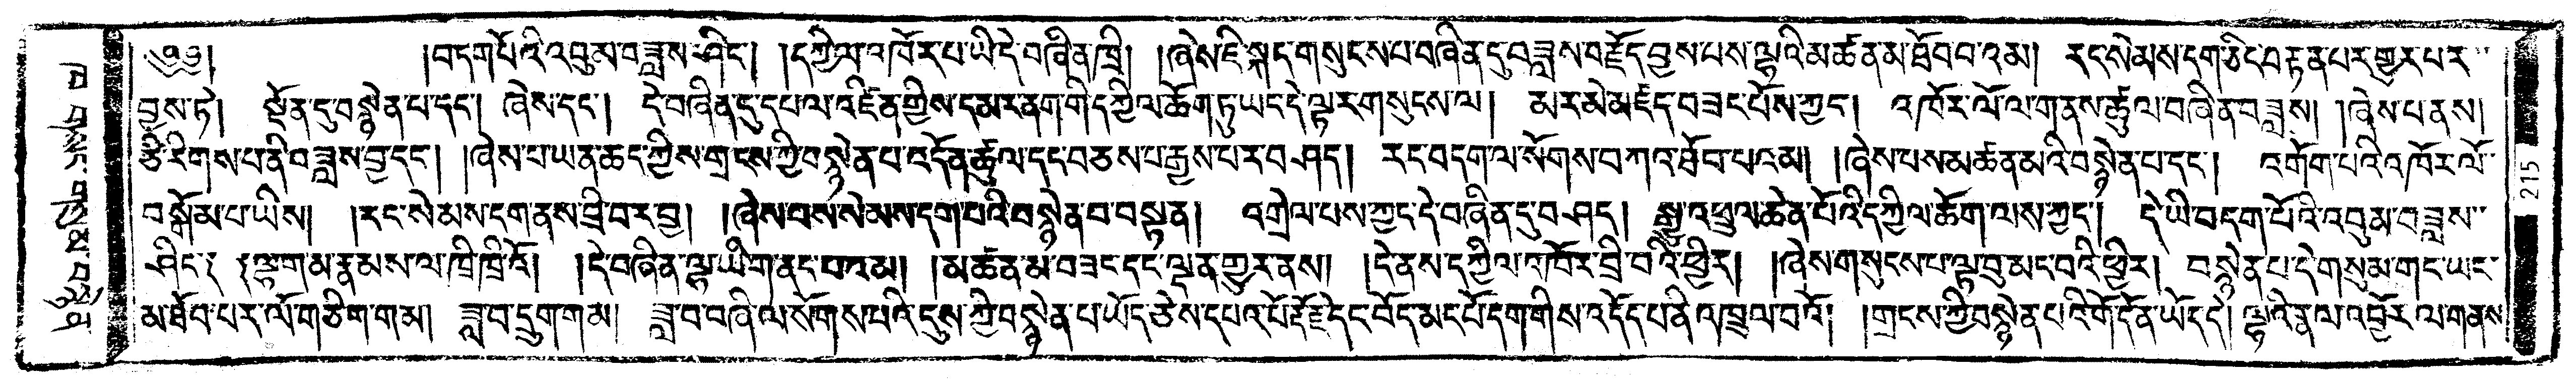༄༅། །བདག་པོའི་འབུམ་བཟླས་ཤིང་། །དཀྱིལ་འཁོར་པ་ཡི་དེ་བཞིན་ཁྲི། །ཞེས་ཇི་སྐད་གསུངས་པ་བཞིན་དུ་བཟླས་བརྗོད་བྱས་པས་ལྷའི་མཚན་མ་ཐོབ་པ་འམ། རང་སེམས་དག་ཅིང་བརྟན་པར་གྱུར་པར་
བྱས་ཏེ། སྔོན་དུ་བསྙེན་པ་དང་། ཞེས་དང་། དེ་བཞིན་དུ་དཔལ་འཛིན་གྱིས་དམར་ནག་གི་དཀྱིལ་ཆོག་ཏུ་ཡང་དེ་ལྟར་གསུངས་ལ། མར་མེ་མཛད་བཟང་པོས་ཀྱང་། འཁོར་ལོ་ལ་གནས་ཚུལ་བཞིན་བཟླས། །ཞེས་པ་ནས།
ཅི་རིགས་པ་ནི་བཟླས་བྱ་དང་། །ཞེས་པ་ཡན་ཆད་ཀྱིས་གྲངས་ཀྱི་བསྙེན་པ་འདོན་ཚུལ་དང་བཅས་པ་རྒྱས་པར་བཤད། རང་བདག་ལ་སོགས་བཀའ་ཐོབ་པའམ། །ཞེས་པས་མཚན་མའི་བསྙེན་པ་དང་། འགོག་པའི་འཁོར་ལོ་
བསྒོམ་པ་ཡིས། །རང་སེམས་དག་ནས་བྲི་བར་བྱ། །ཞེས་པས་སེམས་དག་པའི་བསྙེན་བ་བསྟན། འགྲེལ་པས་ཀྱང་དེ་བཞིན་དུ་བཤད། སྒྱུ་འཕྲུལ་ཆེན་པོའི་དཀྱིལ་ཆོག་ལས་ཀྱང་། དེ་ཡི་བདག་པོའི་འབུམ་བཟླས་
ཤིང༑ ༑ལྷག་མ་རྣམས་ལ་ཁྲི་ཁྲིའོ། །དེ་བཞིན་ལྷ་ཡིག་ནང་པའམ། །མཚན་མ་བཟང་དང་ལྡན་གྱུར་ནས། །དེ་ནས་དཀྱིལ་འཁོར་བྲི་བའི་ཕྱིར། །ཞེས་གསུངས་པ་ལྟ་བུ་མང་བའི་ཕྱིར། བསྙེན་པ་དེ་གསུམ་གང་ཡང་
མ་ཐོབ་པར་ལོ་གཅིག་གམ། ཟླ་བ་དྲུག་གམ། ཟླ་བ་བཞི་ལ་སོགས་པའི་དུས་ཀྱི་བསྙེན་པ་ཡོད་ཅེས་དཔའ་བོ་རྡོ་རྗེ་དང་བོད་མང་པོ་དག་གིས་འདོད་པ་ནི་འཁྲུལ་བའོ། །གྲངས་ཀྱི་བསྙེན་པའི་གོ་དོན་ཡོད་དེ། ལྷའི་རྣལ་འབྱོར་ལ་གནས་